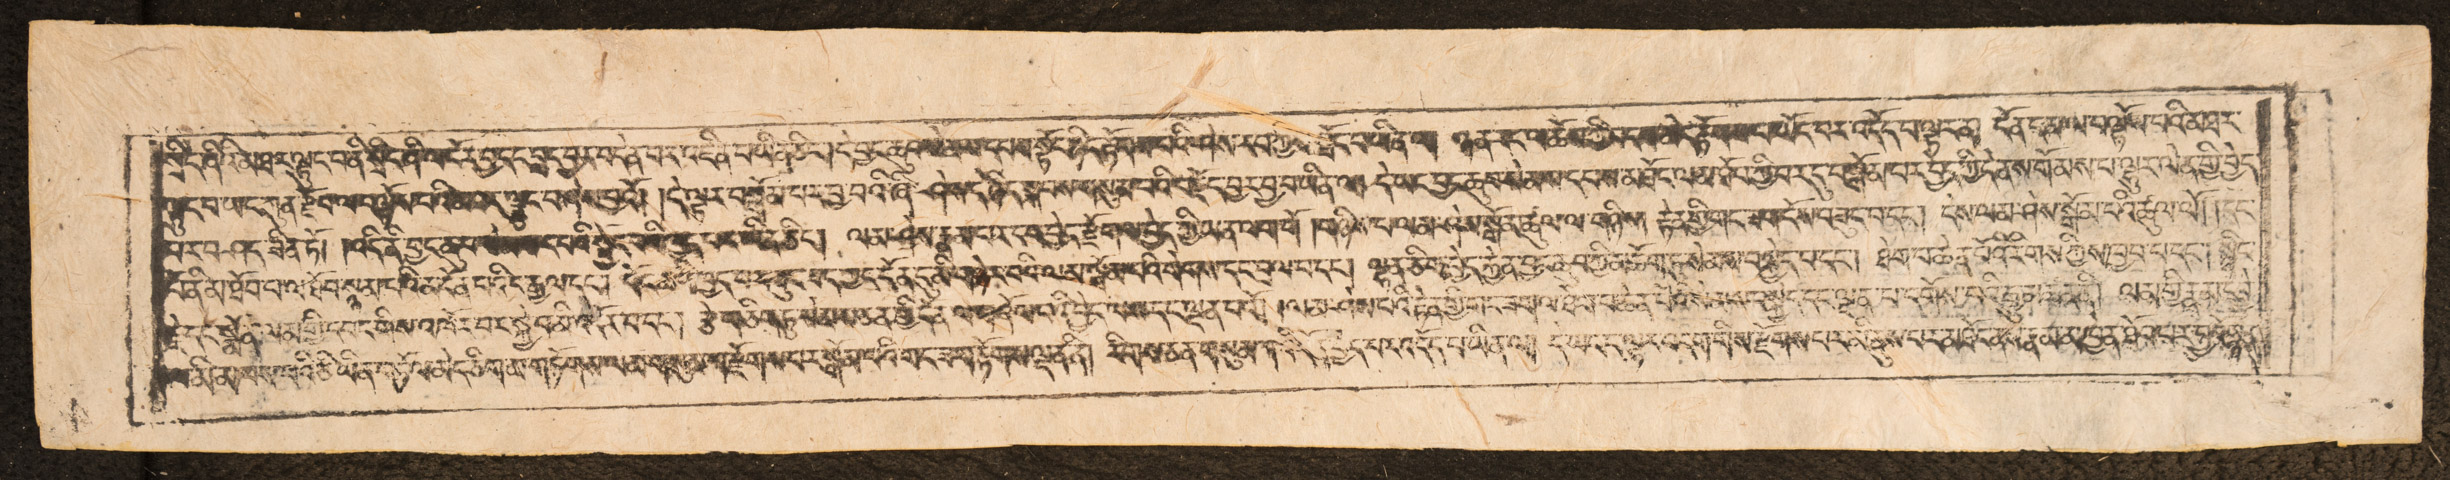སྲིད་ཞིའི་མཐར་ལྟུང་བ་ནི་སྲིད་ཞི་ལ་ངོར་བྱ་དང་བླང་བྱར་བདེན་པར་འཛིན་པ་ཡིན་ཅིང་། དེ་བྱང་ཆུབ་སེམས་དཔས་སྟོང་ཉིད་རྟོགས་པའི་ཤེས་རབ་ཀྱིས་སྤོང་བ་ཡིན་ལ། ཉན་རང་ལ་ཆོས་ཀྱི་བདག་མེད་རྟོགས་པ་ཡོད་པར་འདོད་པ་ལྟར་ན། དོན་དམ་ལ་བལྟོས་པའི་མཐར་
ལྟུང་བ་ཡང་ཀུན་རྫོབ་ལ་བལྟོས་པའི་མཐར་ལྟུང་བ་ཞེས་བྱའོ། །དེ་ལྟར་བསྒོམ་པར་བྱ་བའི་ཞི་ཤེས་དེ་ཉིད་སྐབས་གསུམ་པའི་བརྗོད་བྱར་བྱ་བ་ཡིན་ལ། དེ་ཡང་བྱང་ཆུབ་སེམས་དཔས་མཐོང་ལམ་ཐོབ་ཀྱི་བར་དུ་བསྒོམ་པར་བྱེད་ཀྱི་དེ་ནས་གོམས་པ་ལྷུར་ལེན་གྱི་བྱེད་
པར་བཤད་ཟིན་ཏོ། །འདི་ནི་བྱང་ཆུབ་སེམས་དཔའི་སྤྱོད་པའི་ཁྱད་པར་ཡིན་ཅིང་། ལམ་ཤེས་རྣམ་པར་དག་བྱེད་རྫོགས་བྱེད་ཀྱི་ཡན་ལག་གོ །གཉིས་པ་ལམ་ཤེས་སྒོམ་ཚུལ་ལ་གཉིས། རྟེན་གྱི་གང་ཟག་ངོས་བཟུང་བ་དང་། དེས་ལམ་ཤེས་སྒོམ་པའི་ཚུལ་ལོ། །དང་
པོ་ནི་མ་ཐོབ་པ་ལ་ཐོབ་སྙམ་པའི་མངོན་པར་ང་རྒྱལ་དང་། གོང་མའི་ཁྱད་པར་ཅུང་ཟད་ཀྱང་དོན་དུ་མི་གཉེར་བའི་ལམ་སྒོམ་པའི་གེགས་དང་བྲལ་བ་དང་། ལྷན་ཅིག་བྱེད་རྐྱེན་བྱང་ཆུབ་ཀྱི་མཆོག་ཏུ་སེམས་བསྐྱེད་པ་དང་། ཐེག་པ་ཆེན་པོའི་རིགས་ཀྱིས་ཁྱབ་པ་དང་། སྙིང་
རྗེ་དང་སྨོན་ལམ་གྱི་དབང་གིས་འཁོར་བར་སྐྱེ་བ་མི་འདོར་བ་དང་། རྩེ་གཅིག་ཏུ་སེམས་ཅན་གྱི་དོན་ལ་གཞོལ་བའི་བྱེད་ལས་དང་ལྡན་པའོ། །ལམ་ཤེས་པའི་རྟེན་གྱི་གང་ཟག་ལ་ཐེག་པ་ཆེན་པོའི་སེམས་བསྐྱེད་དང་ལྡན་པ་དགོས་པའི་རྒྱུ་མཚན་ནི། ལམ་གྱི་རྣམ་དབྱེ་
ལ་མི་མཁས་པའི་ཅི་ཡིན་གཏོལ་མེད་ཅིག་མ་གཏོགས་ལམ་གསུམ་ཀ་རྫོགས་པར་སྒོམ་པའི་གང་ཟག་རྟོགས་ལྡན་ནི། རིགས་ཅན་གསུམ་ཀའི་དོན་བྱེད་པར་འདོད་པ་ཡིན་ལ། དེ་ཡང་ད་ལྟར་བདག་གིས་རྫོགས་པར་མི་ནུས་པར་མཐོང་ནས་རྣམ་མཁྱེན་ཐོབ་པར་བྱའོ་སྙམ་